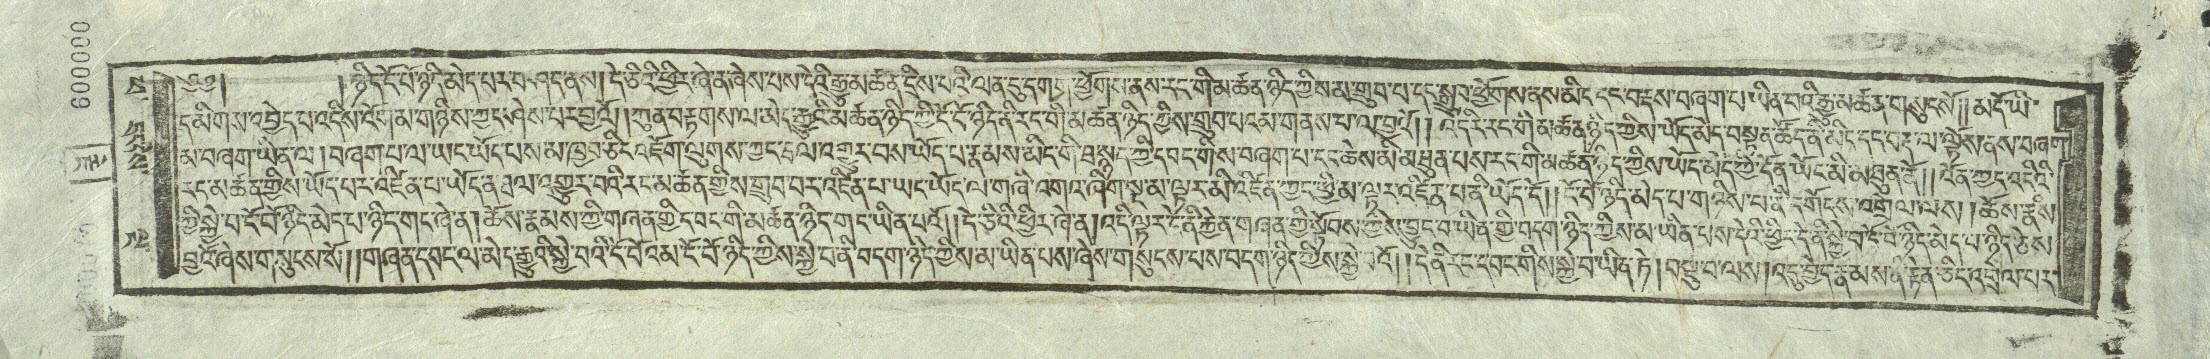༄༅། །ཉིད་ངོ་བོ་ཉིད་མེད་པར་བཤད་ནས། དེ་ཅིའི་ཕྱིར་ཞེ་ན་ཞེས་པས་དེའི་རྒྱུ་མཚན་དྲིས་པའི་ལན་དུ་དགག་ཕྱོགས་ནས་རང་གི་མཚན་ཉིད་ཀྱིས་མ་གྲུབ་པ་དང་སྒྲུབ་ཕྱོགས་ནས་མིང་དང་བརྡས་བཞག་པ་ཡིན་པའི་རྒྱུ་མཚན་གསུངས་སོ། །མདོ་ཡི་
དམིགས་འབྱེད་པ་འདིས་འོག་མ་གཉིས་ཀྱང་ཤེས་པར་བྱའོ། །ཀུན་བརྟགས་ལ་མེད་རྒྱུའི་མཚན་ཉིད་ཀྱི་ངོ་བོ་ཉིད་ནི་རང་གི་མཚན་ཉིད་ཀྱིས་གྲུབ་པའམ་གནས་པ་ལ་བྱའོ། །འདིར་རང་གི་མཚན་ཉིད་ཀྱིས་ཡོད་མེད་བསྟན་ཚོད་ནི་མིང་དང་བརྡ་ལ་ལྟོས་ནས་བཞག་
མ་བཞག་ཡིན་ལ། བཞག་པ་ལ་ཡང་ཡོད་པས་མ་ཁྱབ་ཅིང་འཇོག་ལུགས་ཀྱང་ཐལ་འགྱུར་བས་ཡོད་པ་རྣམས་མིང་གི་ཐ་སྙད་ཀྱི་དབང་གིས་བཞག་པ་དང་ཆེས་མི་མཐུན་པས་རང་གི་མཚན་ཉིད་ཀྱིས་ཡོད་མེད་ཀྱི་དོན་ཡང་མི་མཐུན་ནོ། །འོན་ཀྱང་འདིའི་
རང་མཚན་ཀྱིས་ཡོད་པར་འཛིན་པ་ཡོད་ན་ཐལ་འགྱུར་བའི་རང་མཚན་གྱིས་གྲུབ་པར་འཛིན་པ་ཡང་ཡོད་ལ་གཞི་འགའ་ཞིག་སྔ་མ་ལྟར་མི་འཛིན་ཀྱང་ཕྱི་མ་ལྟར་འཛིན་པ་ནི་ཡོད་དོ། །ངོ་བོ་ཉིད་མེད་པ་གཉིས་པ་ནི་དགོངས་འགྲེལ་ལས། ཆོས་རྣམས་
ཀྱི་སྐྱེ་བ་ངོ་བོ་ཉིད་མེད་པ་ཉིད་གང་ཞེ་ན། ཆོས་རྣམས་ཀྱི་གཞན་གྱི་དབང་གི་མཚན་ཉིད་གང་ཡིན་པའོ། །དེ་ཅིའི་ཕྱིར་ཞེ་ན། འདི་ལྟར་དེ་ནི་རྐྱེན་གཞན་གྱི་སྟོབས་ཀྱིས་བྱུང་བ་ཡིན་གྱི་བདག་ཉིད་ཀྱིས་མ་ཡིན་པས་དེའི་ཕྱིར་དེ་ནི་སྐྱེ་བ་ངོ་བོ་ཉིད་མེད་པ་ཉིད་ཅེས་
བྱའོ་ཞེས་གསུངས་སོ། །གཞན་དབང་ལ་མེད་རྒྱུའི་སྐྱེ་བའི་ངོ་བོའམ་ངོ་བོ་ཉིད་ཀྱིས་སྐྱེ་བ་ནི་བདག་ཉིད་ཀྱིས་མ་ཡིན་པས་ཞེས་གསུངས་པས་བདག་ཉིད་ཀྱིས་སྐྱེ་བའོ། །དེ་ནི་རང་དབང་གིས་སྐྱེ་བ་ཡིན་ཏེ། བསྡུ་བ་ལས། འདུ་བྱེད་རྣམས་ནི་རྟེན་ཅིང་འབྲེལ་པར་